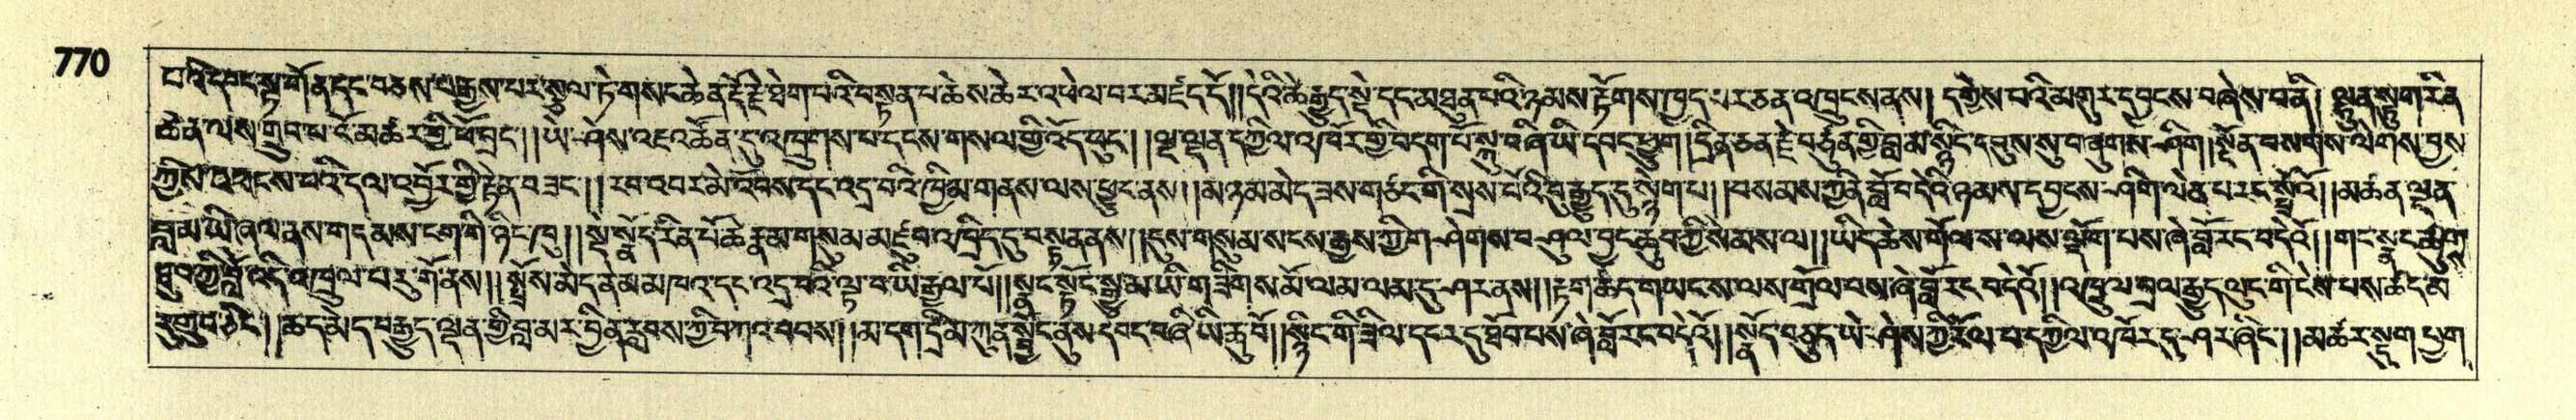པའི་དབང་སྟ་གོན་དང་བཅས་བརྒྱས་པར་སྩལ་ཏེ་གསང་ཆེན་རྡོ་རྗེ་ཐེག་པའི་བསྟན་པ་ཆེས་ཆེར་འཕེལ་བར་མཛད་དོ། །དེའི་ཚེ་རྒྱུད་སྡེ་དང་མཐུན་པའི་ཉམས་རྟོགས་ཁྱད་པར་ཅན་འཁྲུངས་ནས། དགྱེས་པའི་མགུར་དབྱངས་བཞེས་བ་ནི། ལྷུན་སྟུག་རིན་
ཆེན་ལས་གྲུབ་པ་ངོ་མཚར་གྱི་ཕོ་བྲང་། །ཡེ་ཤེས་འཇའ་ཚོན་དུ་འཁྲུགས་པ་དངས་གསལ་གྱི་འོད་ཕུང་། །ལྔ་ལྡན་དཀྱིལ་འཁོར་གྱི་བདག་པོ་སྐུ་བཞི་ཡི་དབང་ཕྱུག །དྲིན་ཅན་རྗེ་བཙུན་གྱི་བླ་མ་སྙིང་དབུས་སུ་བཞུགས་ཤིག །སྔོན་བསགས་ལེགས་བྱས་
ཀྱིས་འཕངས་པའི་དལ་འབྱོར་གྱི་རྟེན་བཟང་། །རབ་འབར་མེ་འོབས་དང་འདྲ་བའི་ཁྱིམ་གནས་ལས་ཕྱུང་ནས། །མཉམ་མེད་ཟས་གཙང་གི་སྲས་པོའི་བུ་རྒྱུད་དུ་སྙེག་པ། །བསམས་ཀྱིན་བློ་བདེའི་ཉམས་དབྱངས་ཤིག་ལེན་པ་རང་སྤྲོའོ། །མཚན་ལྡན་
བླ་མ་ཡི་ཞལ་ནས་གདམས་གནག་གི་ཉིང་ཁུ། །སྡེ་སྣོད་རིན་པོ་ཆེ་རྣམ་གསུམ་མཛུབ་འཁྲིད་དུ་བསྟན་ནས། །དུས་གསུམ་སངས་རྒྱས་ཀྱི་གཤེགས་བཤུལ་བྱང་ཆུབ་ཀྱི་སེམས་ལ། །ཡིད་ཆེས་གོལ་ས་ལས་ལྡོག་པས་ཞེ་བློ་རང་བདེའོ། །གང་སྣང་ཚུགས་
ཐུབ་ཀྱི་བློ་འདི་འཁྲུལ་པ་རུ་གོ་ནས། །སྤྲོས་མེད་ནམ་མཁའ་དང་འདྲ་བའི་ལྟ་བ་ཡི་རྒྱལ་པོ། །སྣང་སྟོང་སྒྱུ་མ་ཡི་གཟིགས་མོ་ལམ་ལམ་དུ་ཤར་ནས། །རྟག་ཚད་གཡང་ས་ལས་གྲོལ་བས་ཞེ་བློ་རང་བདེའོ། །འཁྲུལ་བྲལ་རྒྱུད་ལུང་གི་ངེས་པས་ཚད་མ་
རུ་གྲུབ་ཅིང་། །ཆད་མེད་བརྒྱུད་ལྡན་གྱི་བླ་མར་བྱིན་རླབས་ཀྱི་བཀའ་བབས། །མ་དག་དྲི་མ་ཀུན་སྦྱོང་ནུས་དབང་བཞི་ཡི་ཆུ་བོ། །སྙིང་གི་ཟིལ་དབར་དུ་ཐོབ་པས་ཞེ་བློ་རང་བདེའོ། །སྣོད་བཅུད་ཡེ་ཤེས་ཀྱི་རོལ་བ་དཀྱིལ་འཁོར་དུ་ཤར་ཞིང་། །མཚར་སྡུག་ཕྱག་